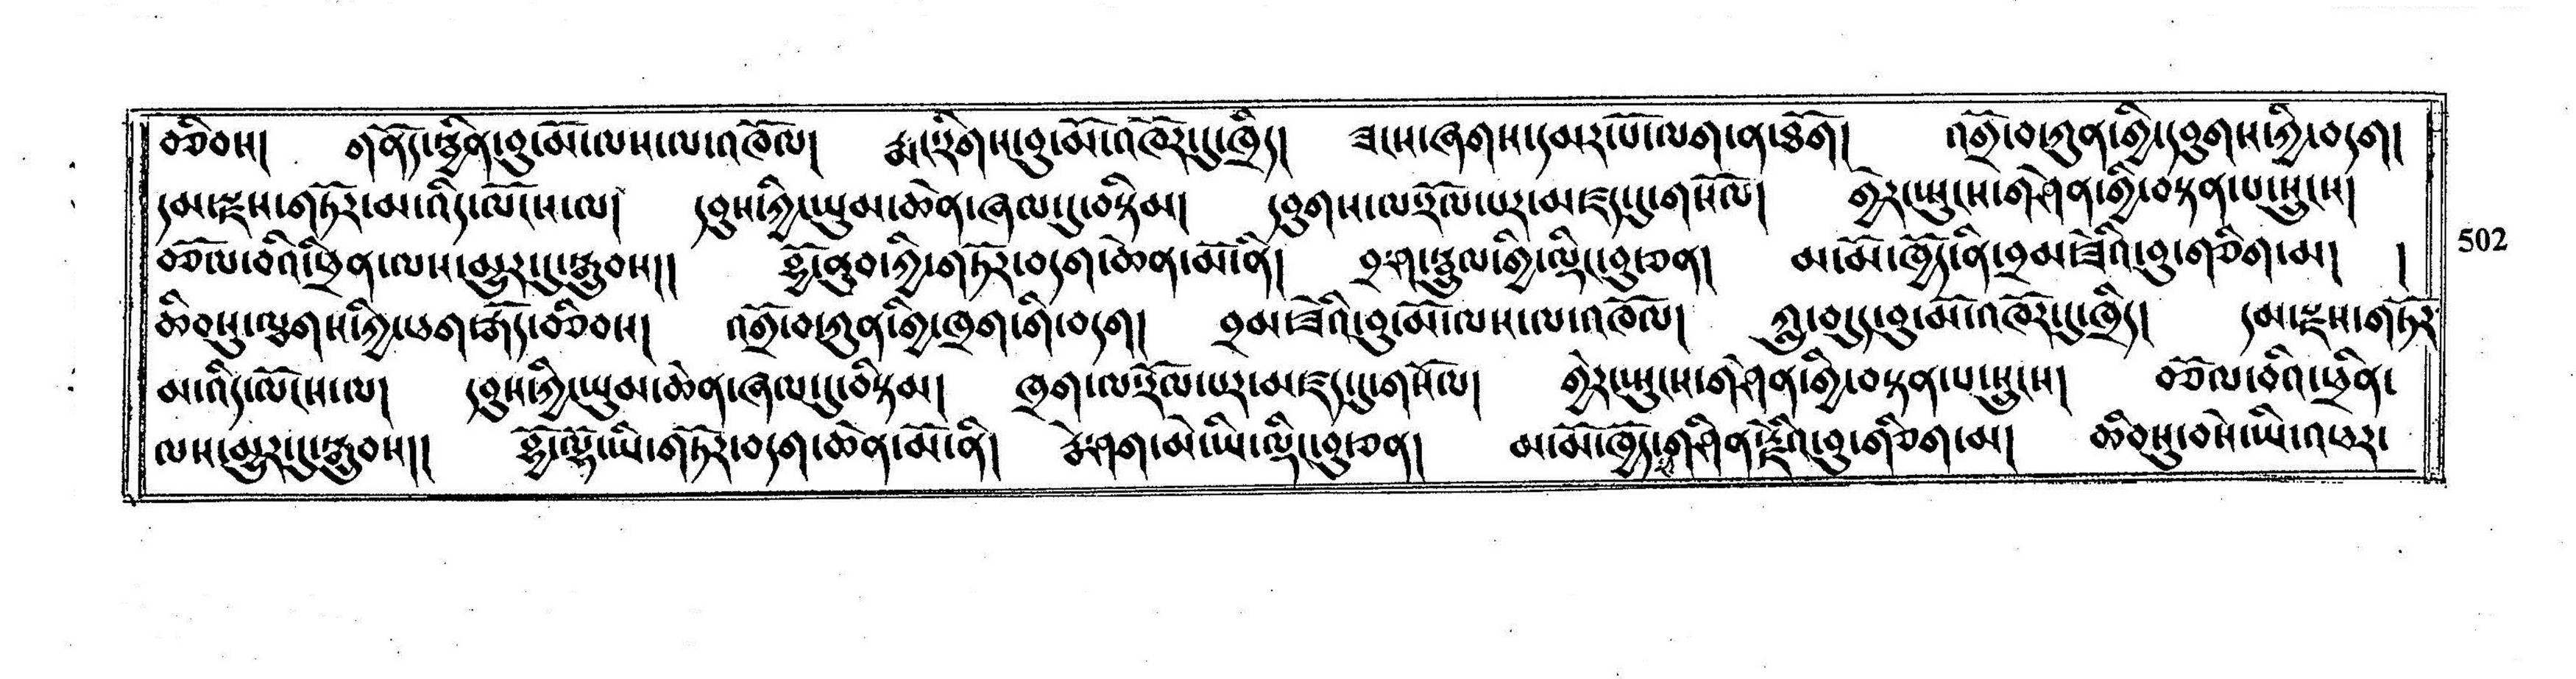བཅིབས། གནོད་སྦྱིན་བུ་མོ་ལས་ལ་འཁོལ། རྨང་རིགས་བུ་མོ་འཁོར་དུ་ཁྲིད། ཟངས་ཞགས་དམར་པོ་ལག་ན་ཐོག འགྲོ་བ་ཀུན་གྱི་དབུགས་ཀྱི་བདག 
དམ་རྫས་གཏོར་མ་འདི་ལོངས་ལ། དབུས་ཀྱི་ཡུམ་ཆེན་ཞལ་དུ་བསྟིམ། དབུགས་ལ་རོལ་པར་མཛད་དུ་གསོལ། གྱེར་སྤུངས་གཤེན་གྱི་བསྟན་པ་སྲུངས། 
བཅོལ་བའི་ཕྲིན་ལས་མྱུར་དུ་སྒྲུབས།། བྷྱོ་ནུབ་ཀྱི་གཏོར་བདག་ཆེན་མོ་ནི། བྲ་ཤ་སྦྲུལ་གྱི་ལྡིང་བུ་ཅན། མ་མོ་ཁྱོད་ནི་བྲམ་ཟེའི་བུ་གཅིག་མ། 
ཆིབས་སུ་ལྕགས་ཀྱི་ཕག་རྒོད་བཅིབས། འགྲོ་བ་ཀུན་གྱི་ཁྲག་གི་བདག བྲམ་ཟེའི་བུ་མོ་ལས་ལ་འཁོལ། ཀླུ་བདུད་བུ་མོ་འཁོར་དུ་ཁྲིད། དམ་རྫས་གཏོར་
མ་འདི་ལོངས་ལ། དབུས་ཀྱི་ཡུམ་ཆེན་ཞལ་དུ་བསྟིམ། ཁྲག་ལ་རོལ་པར་མཛད་དུ་གསོལ། གྱེར་སྤུངས་གཤེན་གྱི་བསྟན་པ་སྲུངས། བཅོལ་བའི་ཕྲིན་
ལས་མྱུར་དུ་སྒྲུབས།། བྷྱོ་ལྷོ་ཡི་གཏོར་བདག་ཆེན་མོ་ནི། རྦེ་ཤག་མེ་ཡི་ལྡིང་བུ་ཅན། མ་མོ་ཁྱོད་ནི་གཤིན་རྗེའི་བུ་གཅིག་མ། ཆིབས་སུ་བསེ་ཡི་འཕར་